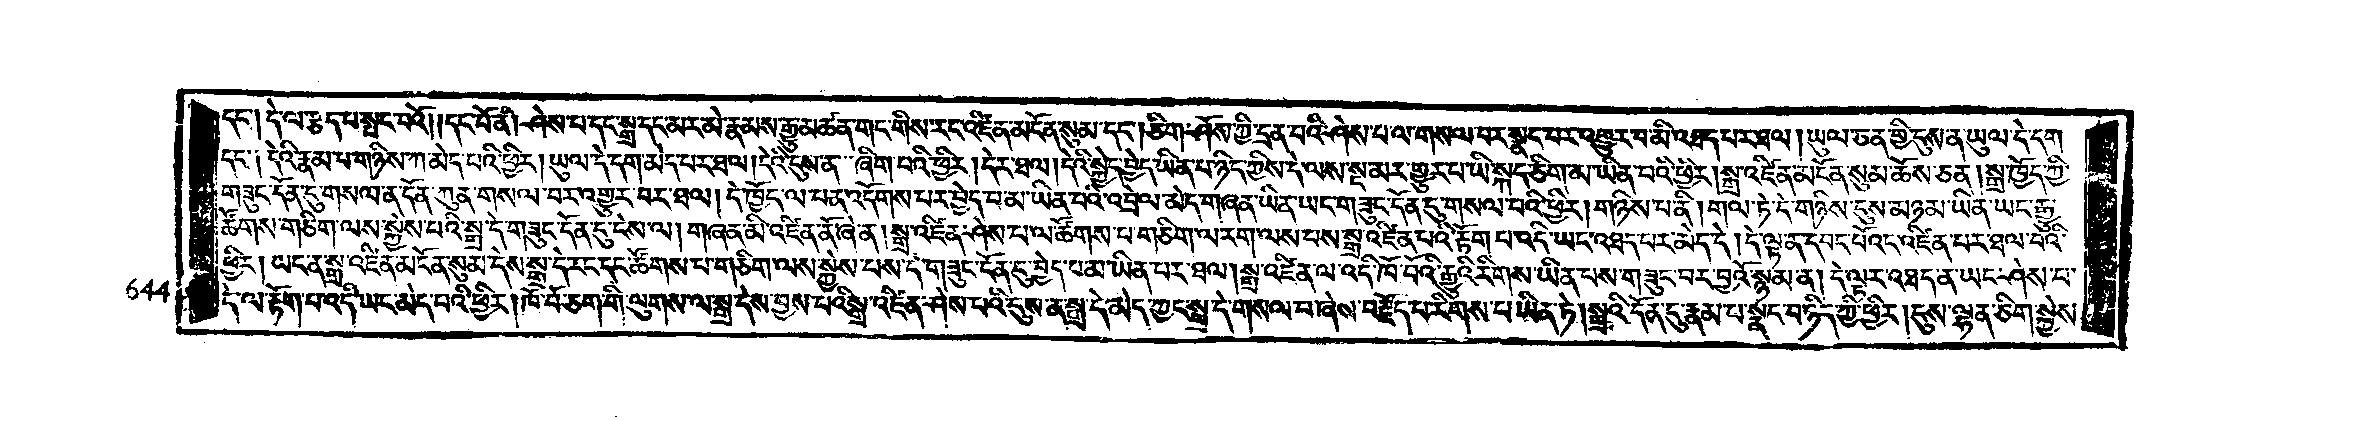དང་། དེ་ལ་རྩད་པ་སྤང་བའོ། །དང་པོ་ནི། ཤེས་པ་དང་སྒྲ་དང་མར་མེ་རྣམས་རྒྱུ་མཆན་གང་གིས་རང་འཛིན་མངོན་སུམ་དང་། ཅིག་ཤོས་ཀྱི་དྲན་པའི་ཤེས་པ་ལ་གསལ་བར་སྣང་བར་འགྱུར་བ་མི་འཐད་པར་ཐལ། ཡུལ་ཅན་གྱི་དུས་ན་ཡུལ་དེ་དག་
དང༑ དེའི་རྣམ་པ་གཉིས་ཀ་མེད་པའི་ཕྱིར། ཡུལ་དེ་དག་མེད་པར་ཐལ། དེའི་དུས་ན་ཞིག་པའི་ཕྱིར། དེར་ཐལ། དེའི་སྐྱེད་བྱེད་ཡིན་པ་ཉིད་ཀྱིས་དེ་ལས་སྔ་མར་གྱུར་པ་ཡི་སྐད་ཅིག་མ་ཡིན་པའི་ཕྱིར། སྒྲ་འཛིན་མངོན་སུམ་ཆོས་ཅན། སྒྲ་ཁྱོད་ཀྱི་
གཟུང་དོན་དུ་གསལ་ན་དོན་ཀུན་གསལ་བར་འགྱུར་བར་ཐལ། དེ་ཁྱོད་ལ་ཕན་འདོགས་པར་བྱེད་པ་མ་ཡིན་པའི་འབྲེལ་མེད་གཞན་ཡིན་ཡང་གཟུང་དོན་དུ་གསལ་བའི་ཕྱིར། གཉིས་པ་ནི། གལ་ཏེ་དེ་གཉིས་དུས་མཉམ་ཡིན་ཡང་རྒྱུ་
ཚོགས་གཅིག་ལས་སྐྱེས་པའི་སྒྲ་དེ་གཟུང་དོན་དུ་ངེས་ལ། གཞན་མི་འཛིན་ནོ་ཞེ་ན། སྒྲ་འཛིན་ཤེས་པ་ལ་ཚོགས་པ་གཅིག་ལ་རག་ལས་པས་སྒྲ་འཛིན་པའི་རྟོག་པ་འདི་ཡང་འཐད་པར་མེད་དེ། དེ་ལྟ་ན་དབང་པོའང་འཛིན་པར་ཐལ་བའི་
ཕྱིར། ཡང་ན་སྒྲ་འཛིན་མངོན་སུམ་དེས་སྒྲ་དེ་རང་དང་ཚོགས་པ་གཅིག་ལས་སྐྱེས་པས་དེ་གཟུང་དོན་དུ་བྱེད་པ་མ་ཡིན་པར་ཐལ། སྒྲ་འཛིན་ལ་འདི་ཁོ་བོའི་རྒྱུའི་རིགས་ཡིན་པས་གཟུང་བར་བྱའོ་སྙམ་ན། དེ་ལྟར་འཐད་ན་ཡང་ཤེས་པ་
དེ་ལ་རྟོག་པ་འདི་ཡང་མེད་པའི་ཕྱིར། ཁོ་བོ་ཅག་གི་ལུགས་ལ་སྒྲ་དེས་བྱས་པའི་སྒྲ་འཛིན་ཤེས་པའི་དུས་ན་སྒྲ་དེ་མེད་ཀྱང་སྒྲ་དེ་གསལ་བ་ཞེས་བརྗོད་པ་རིགས་པ་ཡིན་ཏེ། སྒྲའི་དོན་དུ་རྣམ་པ་སྣང་བ་ཉིད་ཀྱི་ཕྱིར། དུས་ལྷན་ཅིག་སྐྱེས་